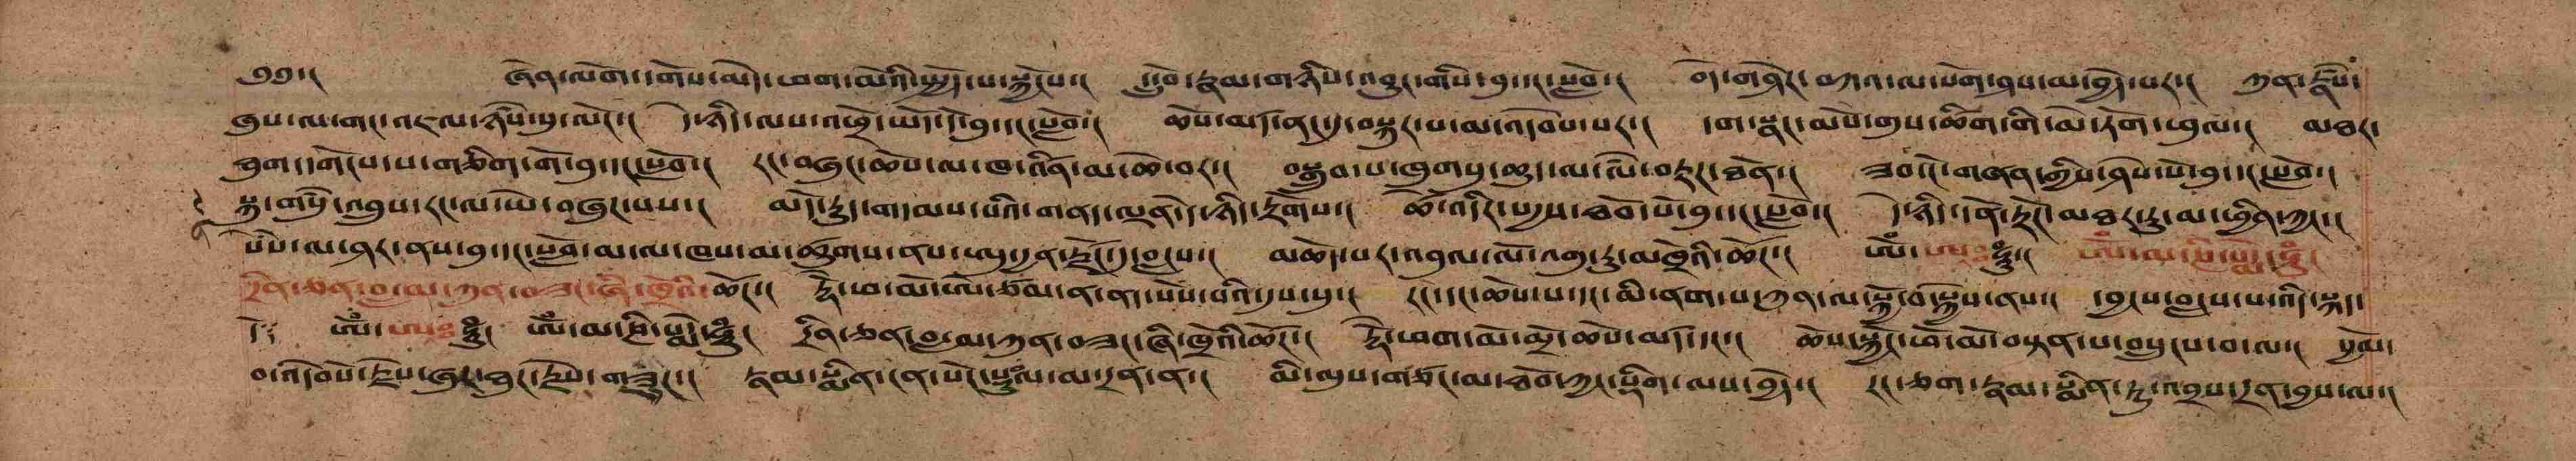༄༅།། ཞེན་ལོག་དགོས་མེད་ཕག་མོའི་སྤྱོད་པ་སྐྱོང་།། དངོས་གྲུབ་རྣམ་གཉིས་འབྱུང་གིས་བུ་དང་སློབ།། བདེ་གཤེགས་བཀའ་ལ་སོག་ཤས་མ་བྱེད་པར།། ཀུན་རྣམས་
ཞུས་ལ་གང་མཇལ་ཉམས་སུ་ལོང་། དེ་ཉིད་ལས་འཕྲོ་ཡོད་དང་བུ་དང་སློབ།། ཆོས་མཛད་ནང་དུ་བསྐུར་པ་མ་འདེབས་པར།། དག་སྣང་མོས་གུས་ཚིག་གི་མེ་ཏོག་ཕུལ།། མཐར་
ཐུག་དགོངས་པ་གཅིག་གོ་བུ་དང་སློབ།། རང་གཞུང་ཆོས་ལ་ཁ་འཛིན་མ་ཆེ་བར།། བསྒྲུབ་པ་ཁུགས་སུ་ཆུད་ལ་ལམ་བརྟགས་ཐོན།། ཟབ་ངོ་གཞན་གྱིས་ཤེས་སོ་བུ་དང་སློབ།། 
སྐུ་གསུམ་འབྲས་བུ་རང་ལ་ཡེ་བཞུགས་པས།། མདོ་རྒྱུད་གདམས་པའི་གནད་ལྡན་དེ་ཉིད་རྟོགས།། ཚེ་འདིར་སངས་རྒྱས་ཐོབ་བོ་བུ་དང་སློབ།། དེ་ཉིད་དོན་རྟོགས་མཐར་རུ་མ་ཕྱིན་ཀྱང་།། 
སེམས་ལ་ཤར་ནས་བུ་དང་སློབ་མ་ལ་ཁས་མ་ཚུགས་ནས་ཨུ་རྒྱན་རྫོང་དུ་བླངས།། མཆོད་པར་འབུལ་ལོ་འགུ་རུ་མཁའ་འགྲོའི་ཚོགས།། ཨོཾ་ཨཱཿཧཱུཾ།། ཨོཾ་མ་ཎི་པདྨེ་ཧཱུཾ། 
དྲིན་ཅན་བླ་མ་ཀུན་བཟང་ཞི་ཁྲོའི་ཚོགས།། རྡོ་རྗེ་ཕག་མོ་ཨེ་ཙམ་ན་ནད་སོས་པའི་དུས་སུ།། རང་དང་ཆོས་པ་དང་མི་ནག་པ་ཀུན་ལ་སྐྱོ་བ་སྐྱེས་ནས། དབྱངས་བླངས་པ་འདི་སྐད་
དོ།། ཨོཾ་ཨཱཿཧཱུཾ། ཨོཾ་མ་ཎི་པདྨེ་ཧཱུཾ། དྲིན་ཅན་བླ་མ་ཀུན་བཟང་ཞི་ཁྲོའི་ཚོགས།། རྡོ་རྗེ་ཕག་མོ་མཁའ་འགྲོ་ཆོས་མཛད་དང་།། ཆོས་སྐྱོང་ཕོ་མོ་བསྟན་པ་བསྲུངས་བ་ལ།། གསོལ་
བ་འདེབས་སོ་རྗེས་ཞུགས་ཐུགས་རྗེས་གཟུང་།། རྣམ་སྨིན་ངན་སོང་སྡུག་བསྔལ་མ་དྲན་ན།། མི་ལུས་གཙང་མ་ཐོབ་ཀྱང་སྡིག་ལས་བྱེད།། རང་ཅག་རྣམ་སྨིན་རྒྱུ་འབྲས་དྲན་བྱས་ལ།།